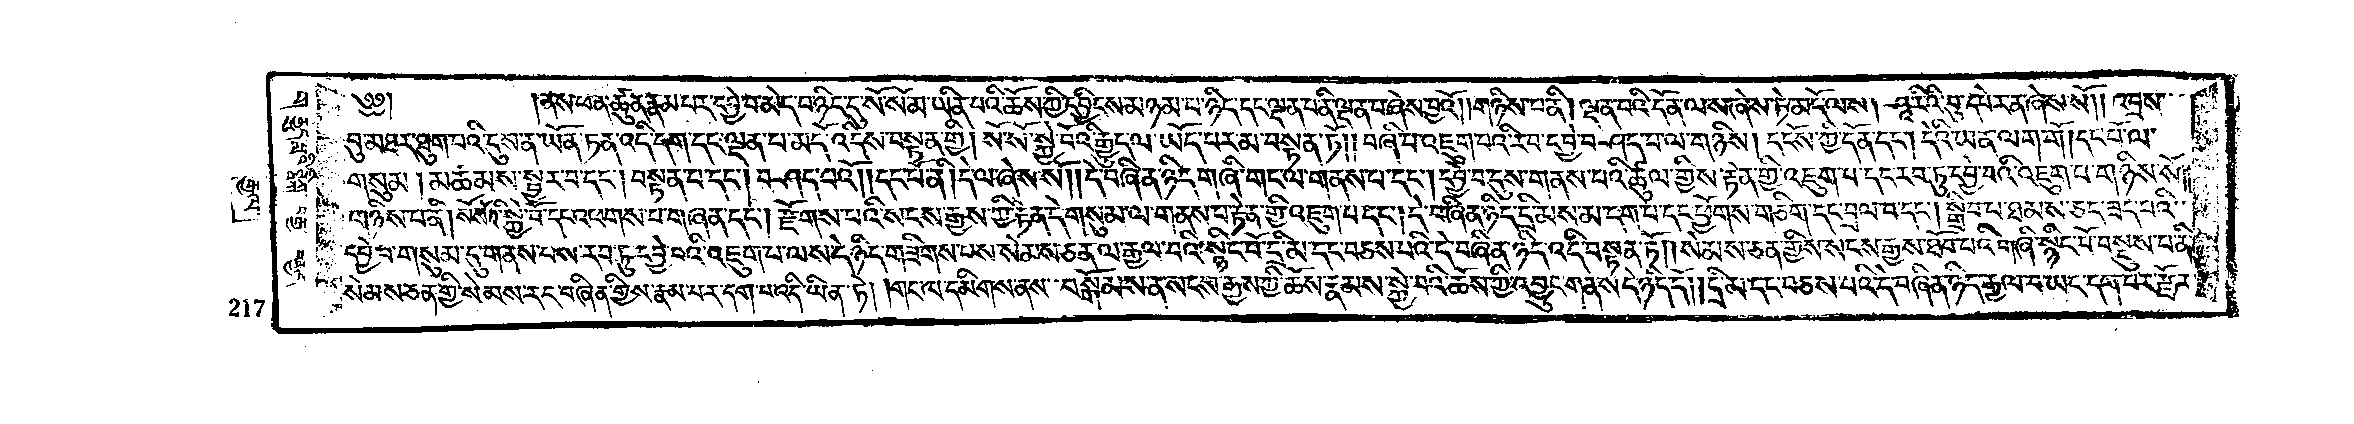༄༅། །ནས་ཕན་ཚུན་རྣམ་པར་དབྱེ་བ་མེད་པ་ཉིད་དུ་སོ་སོ་མ་ཡིན་པའི་ཆོས་ཀྱི་དབྱིངས་མཉམ་པ་ཉིད་དང་ལྡན་པ་ནི་ལྡན་པ་ཞེས་བྱའོ། །གཉིས་པ་ནི། ལྡན་པའི་དོན་ལས་ཞེས་ཏེ་མདོ་ལས། ཤཱ་རིའི་བུ་དཔེར་ན་ཞེས་སོ། །འབྲས་
བུ་མཐར་ཐུག་པའི་དུས་ན་ཡོན་ཏན་འདི་དག་དང་ལྡན་པ་མདོ་འདིས་བསྟན་གྱི་།སོ་སོ་སྐྱེ་བོའི་རྒྱུད་ལ་ཡོད་པར་མ་བསྟན་ཏོ། །བཞི་པ་འཇུག་པའི་རབ་དབྱེ་བཤད་པ་ལ་གཉིས། དངོས་ཀྱི་དོན་དང་། དེའི་ཡན་ལག་གོ །དང་པོ་ལ་
གསུམ། མཚམས་སྦྱར་བ་དང་། བསྟན་པ་དང་། བཤད་པའོ། །དང་པོ་ནི། དེ་ལ་ཞེས་སོ། །དེ་བཞིན་ཉིད་གཞི་གང་ལ་གནས་པ་དང་། དབྱེ་བ་དུས་གནས་པའི་ཚུལ་གྱིས་རྟེན་གྱི་འཇུག་པ་དང་རབ་ཏུ་དབྱེ་བའི་འཇུག་པ་གཉིས་སོ། །
གཉིས་པ་ནི། སོ་སོའི་སྐྱེ་བོ་དང་འཕགས་པ་གཞན་དང་། རྫོགས་པའི་སངས་རྒྱས་ཀྱི་རྟེན་དེ་གསུམ་ལ་གནས་པ་རྟེན་གྱི་འཇུག་པ་དང་། དེ་བཞིན་ཉིད་དྲི་མས་མ་དག་པ་དང་ཕྱོགས་གཅིག་དང་བྲལ་བ་དང་། སྒྲིབ་པ་ཐམས་ཅད་ཟད་པའི་
དབྱེ་བ་གསུམ་དུ་གནས་པས་རབ་ཏུ་དབྱེ་བའི་འཇུག་པ་ལས་དེ་ཉིད་གཟིགས་པས་སེམས་ཅན་ལ་རྒྱལ་བའི་སྙིང་པོ་དྲི་མ་དང་བཅས་པའི་དེ་བཞིན་ཉིད་འདི་བསྟན་ཏོ། །སེམས་ཅན་གྱིས་སངས་རྒྱས་ཐོབ་པའི་གཞི་སྙིང་པོ་བསྡུས་པ་ནི་
སེམས་ཅན་གྱི་སེམས་རང་བཞིན་གྱིས་རྣམ་པར་དག་པ་འདི་ཡིན་ཏེ། གང་ལ་དམིགས་ནས་བསྒོམས་ན་སངས་རྒྱས་ཀྱི་ཆོས་རྣམས་སྐྱེ་བའི་ཆོས་ཀྱི་འབྱུང་གནས་དེ་ཉིད་དོ། །དྲི་མ་དང་བཅས་པའི་དེ་བཞིན་ཉིད་རྒྱལ་བ་ཡང་དག་པར་རྫོགས་